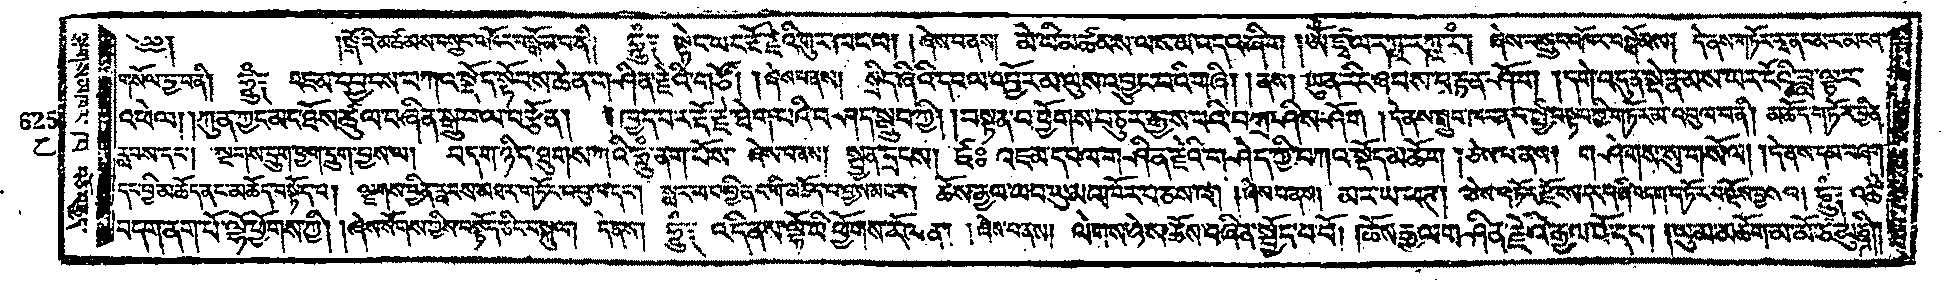༄༅། །སྒོའི་མཚམས་བསྲུང་འཁོར་བསྒོམ་པ་ནི།  ཧཱུཾ༑ སྟེང་ཡང་རྡོ་རྗེའི་གུར་ཁང་ལ། །ཞེས་པ་ནས།  མེ་ཡི་མཚམས་ལས་མ་འདའ་ཞིག །ཨོཾ་ཛྭ་ལ་རཀྵ་རཀྵ་རཾ། ཞེས་བསྲུང་འཁོར་བསྒོམས། དེ་ནས་གཏོར་རྭ་ནང་མར་མངའ་
གསོལ་བྱ་བ་ནི། ཧཱུཾ༑ འཇམ་དབྱངས་བཀའ་སྡོད་སྟོབས་ཆེན་གཤིན་རྗེའི་གཙོ། །ཞེས་པ་ནས།  སྲིད་ཞིའི་དཔལ་འབྱོར་མ་ལུས་འབྱུང་བའི་གཞི། །ནས་ཡུན་རིང་ཞབས་བརྟན་ཤོག །དགེ་འདུན་སྡེ་རྣམས་ཡར་ངོའི་ཟླ་ལྟར་
འཕེལ། །ཀུན་ཀྱང་མང་ཐོས་ཚུལ་བཞིན་སྒྲུབ་ལ་བརྩོན། །ཁྱད་པར་རྡོ་རྗེ་ཐེག་པའི་བཤད་སྒྲུབ་ཀྱི། །བསྟན་པ་ཕྱོགས་བཅུར་རྒྱས་པའི་བཀྲ་ཤིས་ཤོག །དེ་ནས་སྒྲུབ་ཁབ་ནབ་སྤྱི་བསྟབས་ཀྱི་གཏོར་མ་འབུལ་བ་ནི། མཆོད་གཏོར་བྱིན་
རླབས་དང་། སྔགས་དྲུག་ཕྱག་དྲུག་བྱས་ལ། བདག་ཉིད་ཐུགས་ཀའི་ཧཱུཾ་ནག་པོས། ཞེས་པ་ནས།  སྤྱན་དྲངས། ཛཿ འཇམ་དཔལ་གཤིན་རྗེའི་གཤེད་ཀྱི་བཀའ་སྡོད་མཆོག་།ཅེས་པ་ནས།  གཤེགས་སུ་གསོལ། །དེ་ནས་དམ་བཞག་
དང་ཕྱི་མཆོད་ནང་མཆོད་བསྟོད་པ། ལྗགས་བྱིན་རླབས་མཐར་གཏོར་འབུལ་དང་། སླར་ཡང་ཕྱི་ནང་གི་མཆོད་པ་བྱས་མཐར། ཆོས་རྒྱལ་ཡབ་ཡུམ་འཁོར་བཅས་ལ། །ཞེས་པ་ནས།  མར་ཡ་ཕཊ། ཅེས་གཏོར་རྫོངས་དང་གཞི་བདག་གཏོར་བསྔོས་བྱའོ། ཧཱུཾ༑ འཆི་
བདག་ནག་པོ་ལྷོ་ཕྱོགས་ཀྱི། །ཞེས་སོགས་ཀྱིས་བསྟོད་ཅིང་བསྐུལ། དེ་ནས།  ཧཱུཾ་འདི་ནས་ལྷོ་ཡི་ཕྱོགས་རོལ་ན། །ཞེས་པ་ནས།  ལེགས་ཉེས་ཆོས་བཞིན་སྤྱོད་པའོ། །ཆོས་རྒྱལ་གཤིན་རྗེའི་རྒྱལ་པོ་དང་། །ཡུམ་མཆོག་མ་མི་ཙ་མུཎྜི།།